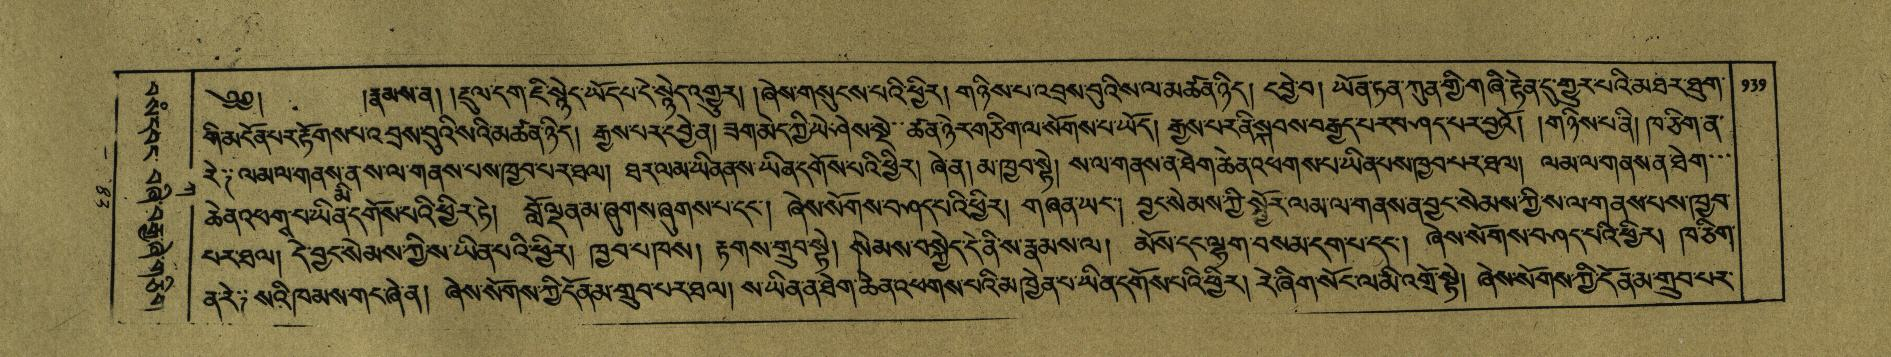༄༅། །རྣམས་ན། །རྡུལ་དག་ཇི་སྙེད་ཡོད་པ་དེ་སྙེད་འགྱུར། །ཞེས་གསུངས་པའི་ཕྱིར། གཉིས་པ་འབྲས་བུའི་ས་ལ་མཚན་ཉིད། དབྱེ་བ། ཡོན་ཏན་ཀུན་གྱི་གཞི་རྟེན་དུ་གྱུར་པའི་མཐར་ཐུག་
གི་མངོན་པར་རྟོགས་པ་འབྲས་བུའི་སའི་མཚན་ཉིད། རྒྱས་པར་དབྱེ་ན། ཟག་མེད་ཀྱི་ཡེ་ཤེས་སྡེ་ཚན་ཉེར་གཅིག་ལ་སོགས་པ་ཡོད། རྒྱས་པར་ནི་སྐབས་བརྒྱད་པར་བཤད་པར་བྱའོ། །གཉིས་པ་ནི། ཁ་ཅིག་ན་
རེ༑ ལམ་ལ་གནས་མི་ན་ས་ལ་གནས་པས་ཁྱབ་པར་ཐལ། ཐར་ལམ་ཡིན་ནས་ཡིན་དགོས་པའི་ཕྱིར། ཞེ་ན། མ་ཁྱབ་སྟེ། ས་ལ་གནས་ན་ཐེག་ཆེན་འཕགས་པ་ཡིན་པས་ཁྱབ་པར་ཐལ། ལམ་ལ་གནས་ན་ཐེག་
ཆེན་འཕགས་པ་ཡིན་དགོས་པའི་ཕྱིར་ཏེ། བློ་ལྡན་མ་ཞུགས་ཞུགས་པ་དང་། ཞེས་སོགས་བཤད་པའི་ཕྱིར། གཞན་ཡང་། བྱང་སེམས་ཀྱི་སྦྱོར་ལམ་ལ་གནས་ན་བྱང་སེམས་ཀྱི་ས་ལ་གནས་པས་ཁྱབ་
པར་ཐལ། དེ་བྱང་སེམས་ཀྱི་ས་ཡིན་པའི་ཕྱིར། ཁྱབ་པ་ཁས། རྟགས་གྲུབ་སྟེ། སེམས་བསྐྱེད་དེ་ནི་ས་རྣམས་ལ། མོས་དང་ལྷག་བསམ་དག་པ་དང་། ཞེས་སོགས་བཤད་པའི་ཕྱིར། ཁ་ཅིག་
ན་རེ༑ སའི་ཁམས་གང་ཞེ་ན། ཞེས་སོགས་ཀྱི་དོན་མ་གྲུབ་པར་ཐལ། ས་ཡིན་ན་ཐེག་ཆེན་འཕགས་པའི་མཁྱེན་པ་ཡིན་དགོས་པའི་ཕྱིར། རེ་ཞིག་སོང་ལ་མི་འགྲོ་སྟེ། ཞེས་སོགས་ཀྱི་དོན་མ་གྲུབ་པར་